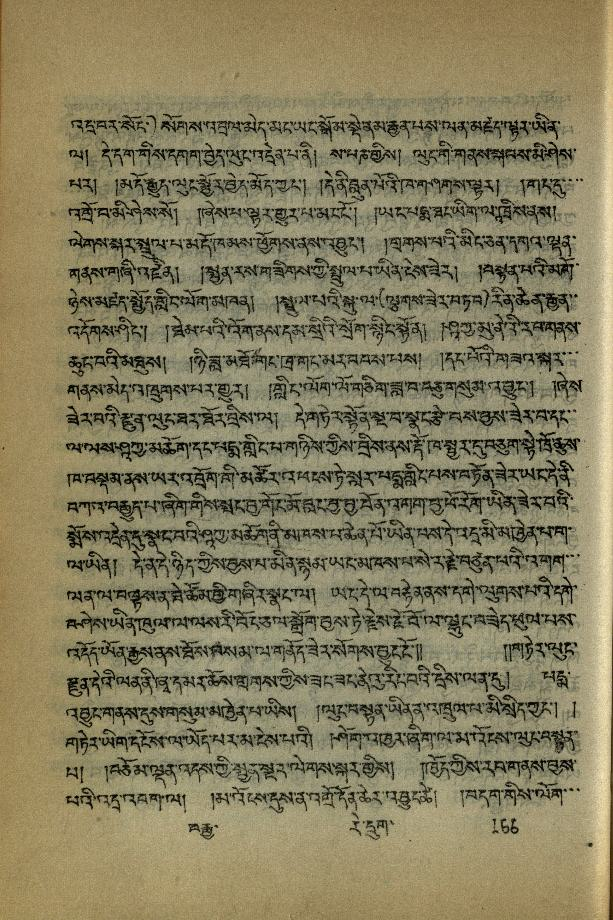འདྲ་བར་སོང་སོགས་འབྲལ་མེད་མང་ཡང་སྒོམ་སྡེ་ནམ་རྒྱན་པས་ལན་མཛད་ལྟར་ཡིན་
ལ། དེ་དག་གིས་དགག་བྱེད་ལུང་འདྲེན་པ་ནི། ས་པཎ་གྱིས། ལུང་གི་གནས་སྐབས་མི་ཤེས་
པར། །མདོ་རྒྱུད་ལུང་སྦྱོར་བྱེད་མོད་ཀྱང་། །དེ་ནི་བླུན་པོའི་ཁ་གཤགས་ལྟར། །གང་དུ་
འགྲོ་བ་མི་ཤེས་སོ། །ཞེས་པ་ལྟར་གྱུར་པ་མང་ངོ། །ཡང་པདམ་ཐང་ཡིག་ལ་འཁྲིས་ནས།
ལེགས་སྐར་སྤྲུལ་པ་མདོ་ཁམས་ཕྱོགས་ནས་འབྱུང་། །གྲགས་པའི་མིང་ཅན་དགའ་ལྡན་
གནས་གཞི་འཛིན། །སྤྱན་རས་གཟིགས་ཀྱི་སྤྲུལ་པ་ཡིན་ངེས་ཟེར། །བསྟན་པའི་མགོ་
ཉེས་མཛད་སྤྱོད་གླིང་ལོག་མཁན། །སྤྲུལ་པའི་སྐུ་ལ་ལྕགས་ཟེར་བཏབ་རིན་ཆེན་རྒྱན་
འདོགས་ཤིང་། །ཐེམ་པའི་འོག་ནས་དམ་སྲིའི་སྲོག་སྙིང་སྟོན། །ཤཱཀྱ་མུ་ནེའི་རབ་གནས་
ཆུང་བའི་མཐུས། །ཉི་ཟླ་མཐོ་གང་ཁྲ་གང་མར་བབས་པས། །དང་པོའི་གཟའ་སྐར་
གནས་མེད་འཁྲུགས་པར་གྱུར། །གླིང་ལོག་ལོ་གཅིག་ཟླ་བ་བཅུ་གསུམ་འབྱུང་། །ཞེས་
ཟེར་བའི་རྫུན་ལུང་ཐར་ཐོར་བྲིས་ལ། དེ་གཏེར་སྟོན་སྔ་བ་སྣང་རྩེ་བས་བྱས་ཟེར་བ་དང་
ལ་ལས་ཤཱཀྱ་མཆོག་དང་པདམ་གླིང་པ་གཉིས་ཀྱིས་བྲིས་ནས་རྡོ་ཁ་སྦྱར་དུ་བཅུག་སྟེ་ཁྲོ་ཆུས་
ཁ་བསྡམ་ནས་ཡར་འབྲོག་གི་མཚོར་འཕངས་ཏེ་སླར་པདམ་གླིང་པས་བཏོན་ཟེར་ཡང་དེ་ནི་
བཀའ་བརྒྱུད་པ་ཞིག་གིས་སྤང་བྱ་གོང་མོ་བླང་བྱ་བྱ་བོན་འགག་བྱ་ཕོ་རོག་ཡིན་ཟེར་བའི་
སྨོས་འདྲེན་དུ་སྣང་བའི་ཤཱཀྱ་མཆོག་ནི་མཁས་པ་ཆེན་པོ་ཡིན་པས་དེ་འདྲ་མི་མཁྱེན་པ་ག་
ལ་ཡིན། དེ་ན་དེ་ཉིད་ཀྱིས་བྱས་པ་མིན་སྙམ་ཡང་མཁས་པ་སེ་ར་རྗེ་བཙུན་པའི་འགག་
ལན་ལ་བལྟས་ན་ཐེ་ཚོམ་གྱི་གཞིར་སྣང་ལ། ཡང་དེ་ལ་བརྟེན་ནས་དགེ་ལུགས་པའི་དགེ་
བཤེས་ཡིན་ཁུལ་ལ་ལས་རི་བོང་ཅལ་སྒྲོག་བྱས་ཏེ་རྗེས་ཇོ་བོ་ལ་ལྷུང་བཟེད་ཕུལ་པས་
འདོད་ཡོན་རྒྱས་ནས་ཐོས་བསམ་ལ་གནོད་ཟེར་སོགས་བྱུང་ངོ།། །།གཏེར་ལུང་
རྫུན་དེའི་ལན་ནི་ཞྭ་དམར་ཆོས་གྲགས་ཀྱིས་ཟང་ཟང་ནེའུ་རིང་བའི་དྲིས་ལན་དུ། པདམ་
འབྱུང་གནས་དུས་གསུམ་མཁྱེན་པ་ཡིས། །ལུང་བསྟན་ཡིན་ན་འཁྲུལ་པ་མི་སྲིད་ཀྱང་། །
གཏེར་ཡིག་དངོས་ལ་ཡོད་པར་མ་ངེས་པའི། །ཤོག་འཁྱར་ཞིག་ལ་མ་འོངས་ལུང་བསྟན་
པ། །བཅོམ་ལྡན་འདས་ཀྱི་སྤྱན་སྔར་ལེགས་སྐར་གྱིས། །ཁྱོད་ཀྱིས་རབ་གནས་བྱས་
པའི་འདྲ་འབག་ལ། །མ་འོངས་དུས་ན་འགྲོ་དོན་ཆེར་འབྱུང་ཚེ། །བདག་གིས་ལོག་